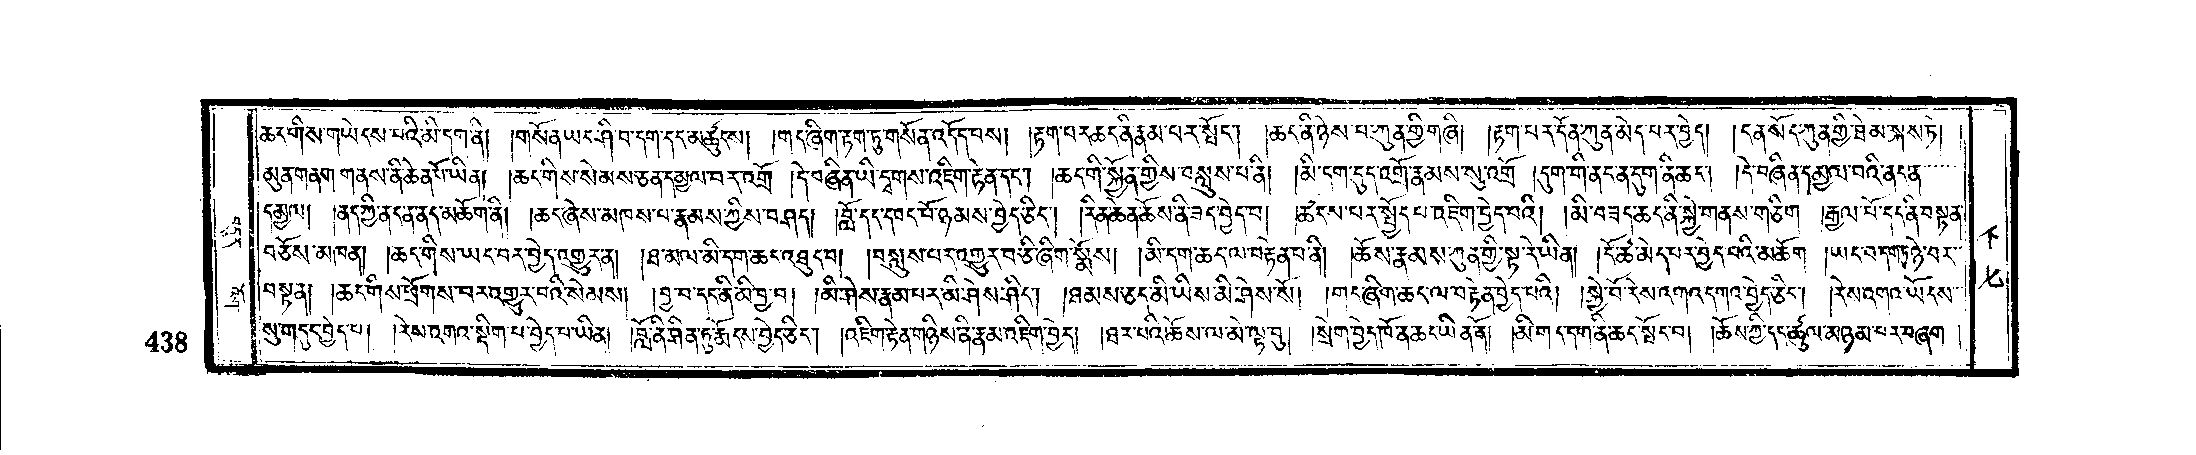ཆང་གིས་གཡེངས་པའི་མི་དག་ནི། །གསོན་ཡང་ཤི་བ་དག་དང་མཚུངས། །གང་ཞིག་རྟག་ཏུ་གསོན་འདོད་པས། །རྟག་པར་ཆང་ནི་རྣམ་པར་སྤོང་། །ཆང་ནི་ཉེས་པ་ཀུན་གྱི་གཞི། །རྟག་པར་དོན་ཀུན་མེད་པར་བྱེད། །ངན་སོང་ཀུན་གྱི་ཐེམ་སྐས་ཏེ། །
མུན་གནག་གནས་ནི་ཆེན་པོ་ཡིན། །ཆང་གིས་སེམས་ཅན་དམྱལ་བར་འགྲོ་།དེ་བཞིན་ཡི་དྭགས་འཇིག་རྟེན་དང་། །ཆང་གི་སྐྱོན་གྱིས་བསླུས་པ་ནི། །མི་དག་དུད་འགྲོ་རྣམས་སུ་འགྲོ་།དུག་གི་ནང་ན་དུག་ནི་ཆང་། །དེ་བཞིན་དམྱལ་བའི་ནང་ན་
དམྱལ། །ནད་ཀྱི་ནང་ན་ནད་མཆོག་ནི། །ཆང་ཞེས་མཁས་པ་རྣམས་ཀྱིས་བཤད། །བློ་དང་དབང་པོ་ཉམས་བྱེད་ཅིང་། །རིན་ཆེན་ཆོས་ནི་ཟད་བྱེད་པ། །ཚངས་པར་སྤྱོད་པ་འཇིག་བྱེད་པའི། །མི་བཟད་ཆང་ནི་སྐྱེ་གནས་གཅིག །རྒྱལ་པོ་དང་ནི་བསྟན་
བཅོས་མཁན། །ཆང་གིས་ཡང་བར་བྱེད་འགྱུར་ན། །ཐ་མལ་མི་དག་ཆང་འཐུང་བ། །བསླུས་པར་འགྱུར་བ་ཅི་ཞིག་སྨོས། །མི་དག་ཆང་ལ་བརྟེན་པ་ནི། །ཆོས་རྣམས་ཀུན་གྱི་སྟ་རེ་ཡིན། །ངོ་ཚ་མེད་པར་བྱེད་པའི་མཆོག །ཡང་བདག་ཏུ་ཉེ་བར་
བསྟན། །ཆང་གིས་ཕྲོགས་པར་འགྱུར་བའི་སེམས། །བྱ་བ་དང་ནི་མི་བྱ་བ། །མི་ཤེས་རྣམ་པར་མི་ཤེས་ཤིང་། །ཐམས་ཅད་མི་ཡིས་མི་ཤེས་སོ། །གང་ཞིག་ཆང་ལ་བརྟེན་བྱེད་པའི། །སྐྱེ་བོ་རེས་འགའ་དགའ་བྱེད་ཅིང་། །རེས་འགའ་ཡོངས་
སུ་གདུང་བྱེད་པ། །རེས་འགའ་སྡིག་པ་བྱེད་པ་ཡིན། །བློ་ནི་ཤིན་ཏུ་རྨོངས་བྱེད་ཅིང་། །འཇིག་རྟེན་གཉིས་ནི་རྣམ་འཇིག་བྱེད། །ཐར་པའི་ཆོས་ལ་མེ་ལྟ་བུ། །སྲེག་བྱེད་ཁོ་ན་ཆང་ཡིན་ནོ། །མི་གང་དག་ནི་ཆང་སྤོང་བ། །ཆོས་ཀྱི་ངང་ཚུལ་མཉམ་པར་བཞག །